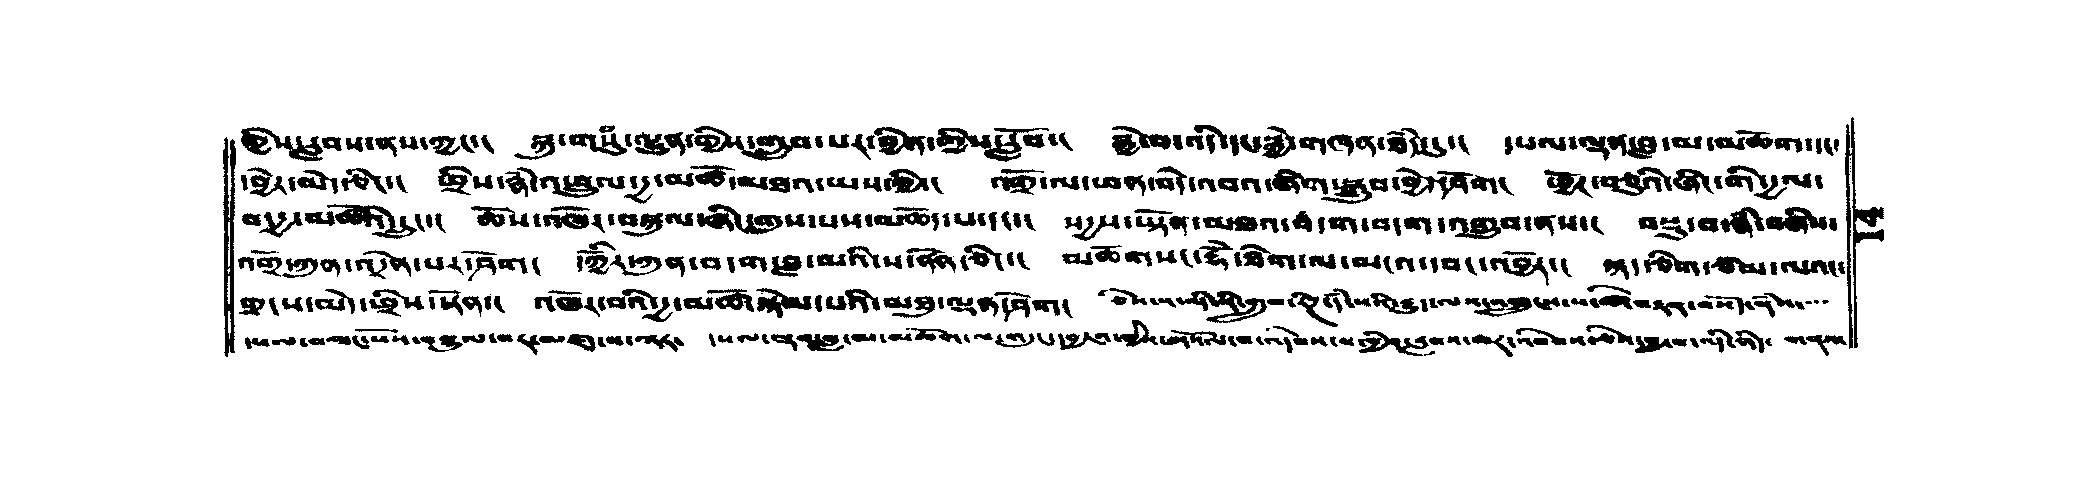གྱིས་རླབས་ནས་ཀྱང་། །སྐུ་གསུམ་ལྷུན་གྱིས་གྲུབ་པར་བྱིན་གྱིས་རློབས། །སྐྱེ་བ་འདི་དང་སྐྱེ་གཞན་ཐམས་ཅད་དུ། །དཔལ་ལྡན་བླ་མ་མཆོག་དང་
དབྱེར་མེད་ཅིང་། །ཕྲིན་ལས་རྣམ་འཕྲུལ་རྒྱ་མཚོ་མཐའ་ཡས་ཀྱི། །འགྲོ་ལ་ཕན་བདེ་འབའ་ཞིག་སྒྲུབ་བྱེད་ཤོག།ཕྱོགས་བཅུའི་ཞིང་གི་རྒྱལ་
བ་རྒྱ་མཚོའི་དྲུང་། །ཆོས་འཁོར་བསྐུལ་ཞིང་གུས་པས་མཆོད་པ་དང་། །སངས་རྒྱས་ཡོན་ཏན་མཐའ་དག་བདག་གྲུབ་ནས། །བསྡུ་བ་རྣམ་བཞིས་
འགྲོ་ཀུན་འདྲེན་པར་ཤོག །དཀྱིལ་འཁོར་ཀུན་བདག་བླ་མའི་ས་ནོན་ཅིང་། །མཆོག་གསང་རྡོ་རྗེ་ཐེག་ལ་མངའ་དབང་འབྱོར། །སྐད་ཅིག་ཙམ་ལའང་
གྲངས་མེད་ཕྲིན་ལས་སྟོན། །འཁོར་བའི་རྒྱ་མཚོ་སྐེམ་པའི་མཐུ་ལྡན་ཤོག །ཅེས་པ་འདི་ནི་གྲུབ་རིགས་དམ་པའི་རྒྱུད་ལས་འཁྲུངས་པ་ཚེ་བརྟན་བསོད་ནམས་
དཔལ་བཟང་པོས་བསྐུལ་བར་མཛད་པ་ལྟར། དཔལ་ལྡན་བླ་མ་མཆོག་ལ་གདུང་དབྱངས་ཀྱིས་གསོལ་བ་འདེབས་པ་བྱིན་རླབས་ཆར་འབེབས་ཅེས་བྱ་བ་འདི་ཉིད། གནས་